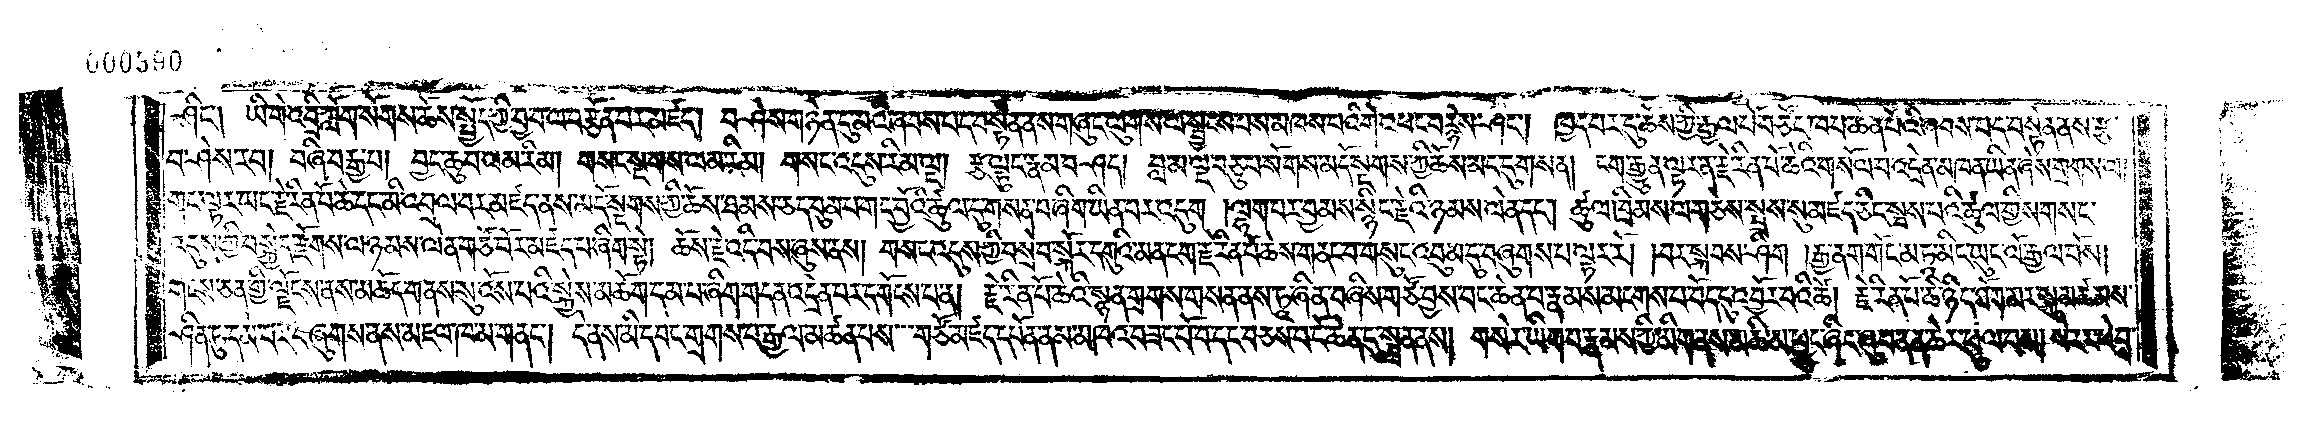ཤིང་། ཡི་གེ་འབྲི་ཀློག་སོགས་ཆོས་སྤྱོད་ཀྱི་བྱ་བ་ལ་བརྩོན་པར་མཛད། བཤེས་གཉེན་དུ་མའི་ཞབས་པད་བསྟེན་ནས་གཞུང་ལུགས་ལ་སྦྱངས་པས་མཁས་པའི་གོ་འཕང་བརྙེས་ཤིང་། ཁྱད་པར་དུ་ཆོས་ཀྱི་རྒྱལ་པོ་བཙོང་ཁ་པ་ཆེན་པོའི་ཞབས་པད་བསྟེན་ནས་རྩ་
བ་ཤེས་རབ། བཞི་བརྒྱ་པ། བྱང་ཆུབ་ལམ་རིམ། གསང་སྔགས་ལམ་རིམ། གསང་འདུས་རིམ་ལྔ། རྩ་ལྟུང་རྣམ་བཤད། བླ་མ་ལྔ་བཅུ་པ་སོགས་མདོ་སྔགས་ཀྱི་ཆོས་མང་དུ་གསན། ངག་རྒྱུན་ལྟར་ན་རྗེ་རིན་པོ་ཆེའི་གསོལ་བ་འདྲེན་མཁན་ཡིན་ཞེས་གྲགས་ལ།
གང་ལྟར་ཡང་རྗེ་རིན་པོ་ཆེ་དང་མི་འབྲལ་བར་མཛད་ནས་མདོ་སྔགས་ཀྱི་ཆོས་ཐམས་ཅད་བུམ་པ་གང་བྱོའི་ཚུལ་དུ་གསན་པ་ཞིག་ཡིན་པར་འདུག །ལྷག་པར་བྱམས་སྙིང་རྗེའི་ཉམས་ལེན་དང་། ཚུལ་ཁྲིམས་ལ་གཅེས་སྤྲས་སུ་མཛད་ཅིང་སྦས་པའི་ཚུལ་གྱིས་གསང་
འདུས་ཀྱི་བསྐྱེད་རྫོགས་ལ་ཉམས་ལེན་གཙོ་བོར་མཛད་པ་ཞིག་སྟེ། ཆོས་རྗེ་འདི་བས་ཞུས་ནས། གསང་འདུས་ཀྱི་བསྲེ་བ་སྐོར་དགུའི་མན་ངག་རྗེ་རིན་པོ་ཆེས་གནང་བ་གསུང་འབུམ་དུ་བཞུགས་པ་ལྟར་རོ། །བར་སྐབས་ཤིག །རྒྱ་ནག་གོང་མ་ཏཱ་མིང་ཡུང་ལོ་རྒྱལ་བོས།
གངས་ཅན་གྱི་ལྗོངས་ནས་མཆོད་གནས་སུ་འོས་པའི་སྐྱེས་མཆོག་དམ་པ་ཞིག་གདན་འདྲེན་པར་དགོངས་པ་ན། རྗེ་རིན་པོ་ཆེའི་སྙན་གྲགས་གསན་ནས་ཏཱ་ཞིན་བཞིས་གཙོ་བྱས་བང་ཆེན་པ་རྣམས་མངགས་པ་བོད་དུ་འབྱོར་བའི་ཚེ། རྗེ་རིན་པོ་ཆེ་ཉིད་ཐོག་མར་སྐུ་མཚམས་
ཤིན་ཏུ་དམ་པར་བཞུགས་ནས་མཇལ་ཁ་མ་གནང་། དེ་ནས་མི་དབང་གྲགས་པ་རྒྱལ་མཚན་པས་གཙོ་མཛད་དཔོན་ནམ་མཁའ་བཟང་པོ་བ་དང་བཅས་པ་ངོ་ཆེན་དུ་སྤྲན་ནས། གསེར་ཡིག་པ་རྣམས་ཀྱི་མིག་ནས་མཆི་མ་ཕྱུང་ཞིང་ཞུ་བ་ནན་ཆེར་ཕུལ་བས། སེ་རར་ཕེབས་